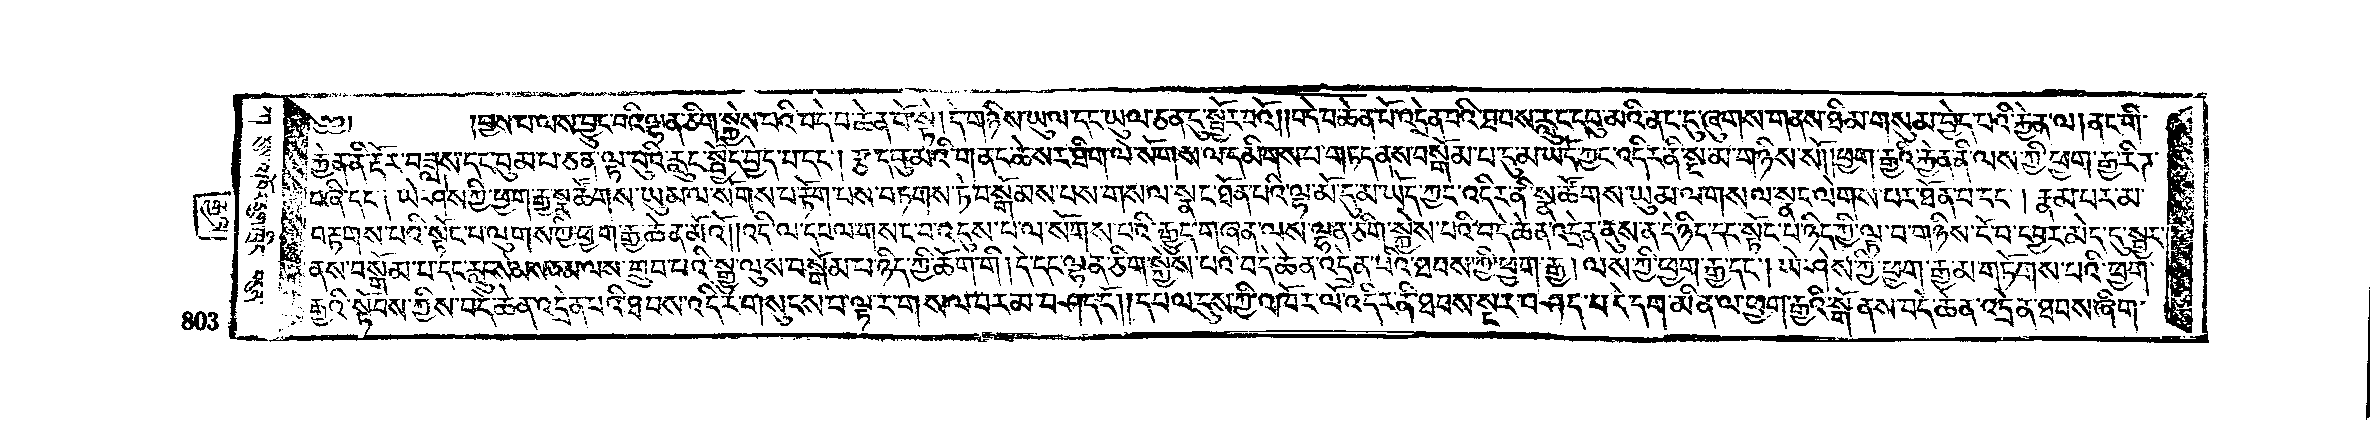༄༅། །བྱས་པ་ལས་བྱུང་བའི་ལྷན་ཅིག་སྐྱེས་པའི་བདེ་བ་ཆེན་པོ་སྟེ། དེ་གཉིས་ཡུལ་དང་ཡུལ་ཅན་དུ་སྦྱོར་བའོ། །བདེ་བ་ཆེན་པོ་འདྲེན་པའི་ཐབས་རླུང་དབུ་མའི་ནང་དུ་ཞུགས་གནས་ཐིམ་གསུམ་བྱེད་པའི་རྐྱེན་ལ། ནང་གི་
རྐྱེན་ནི་རྡོར་བཟླས་དང་བུམ་པ་ཅན་ལྟ་བུའི་རླུང་སྦྱོང་བྱེད་པ་དང་། རྩ་དབུ་མའི་གནང་ཆེ་སར་ཐིག་ལེ་སོགས་ལ་དམིགས་པ་གཏད་ནས་བསྒོམ་པ་དུ་མ་ཡོད་ཀྱང་འདིར་ནི་སྔ་མ་གཉིས་སོ། །ཕྱག་རྒྱའི་རྐྱེན་ནི་ལས་ཀྱི་ཕྱག་རྒྱ་རིགས་
བཞི་དང་། ཡེ་ཤེས་ཀྱི་ཕྱག་རྒྱ་སྣ་ཚོགས་ཡུམ་ལ་སོགས་པ་རྟོག་པས་བཏགས་ཏེ་བསྒོམས་པས་གསལ་སྣང་ཐོན་པའི་ལྷ་མོ་དུ་མ་ཡོད་ཀྱང་འདིར་ནི་སྣ་ཚོགས་ཡུམ་ལགས་ལ་སྣང་ལེགས་པར་ཐོན་པ་དང་། རྣམ་པར་མ་
བརྟགས་པའི་སྟོང་པ་ལུགས་ཀྱི་ཕྱག་རྒྱ་ཆེན་མོའོ། །འདི་ལ་དཔལ་གསང་བ་འདུས་པ་ལ་སོགས་པའི་རྒྱུད་གཞན་ལས་ལྷན་ཅིག་སྐྱེས་པའི་བདེ་ཆེན་འདྲེན་ནུས་ན་དེ་ཉིད་དང་སྟོང་པ་ཉིད་ཀྱི་ལྟ་བ་གཉིས་ངོ་བོ་དབྱེར་མེད་དུ་སྦྱར་
ནས་བསྒོམ་པ་དང་རླུང་སེམས་ཅན་ལས་གྲུབ་པའི་སྒྱུ་ལུས་བསྒོམ་པ་ཉིད་ཀྱི་ཆོག་གི །དེ་དང་ལྷན་ཅིག་སྐྱེས་པའི་བདེ་ཆེན་འདྲེན་པའི་ཐབས་ཀྱི་ཕྱག་རྒྱ། ལས་ཀྱི་ཕྱག་རྒྱུ་དང་། ཡེ་ཤེས་ཀྱི་ཕྱག་རྒྱ་མ་གཏོགས་པའི་ཕྱག་
རྒྱའི་སྟོབས་ཀྱིས་བདེ་ཆེན་འདྲེན་པའི་ཐབས་འདིར་གསུངས་པ་ལྟར་གསལ་བར་མ་བཤད་དོ། །དཔལ་དུས་ཀྱི་འཁོར་ལོ་འདིར་ནི་ཐབས་སྔར་བཤད་པ་དེ་དག་མིན་ལ་ཕྱག་རྒྱའི་སྒོ་ནས་བདེ་ཆེན་འདྲེན་ཐབས་ཞིག་